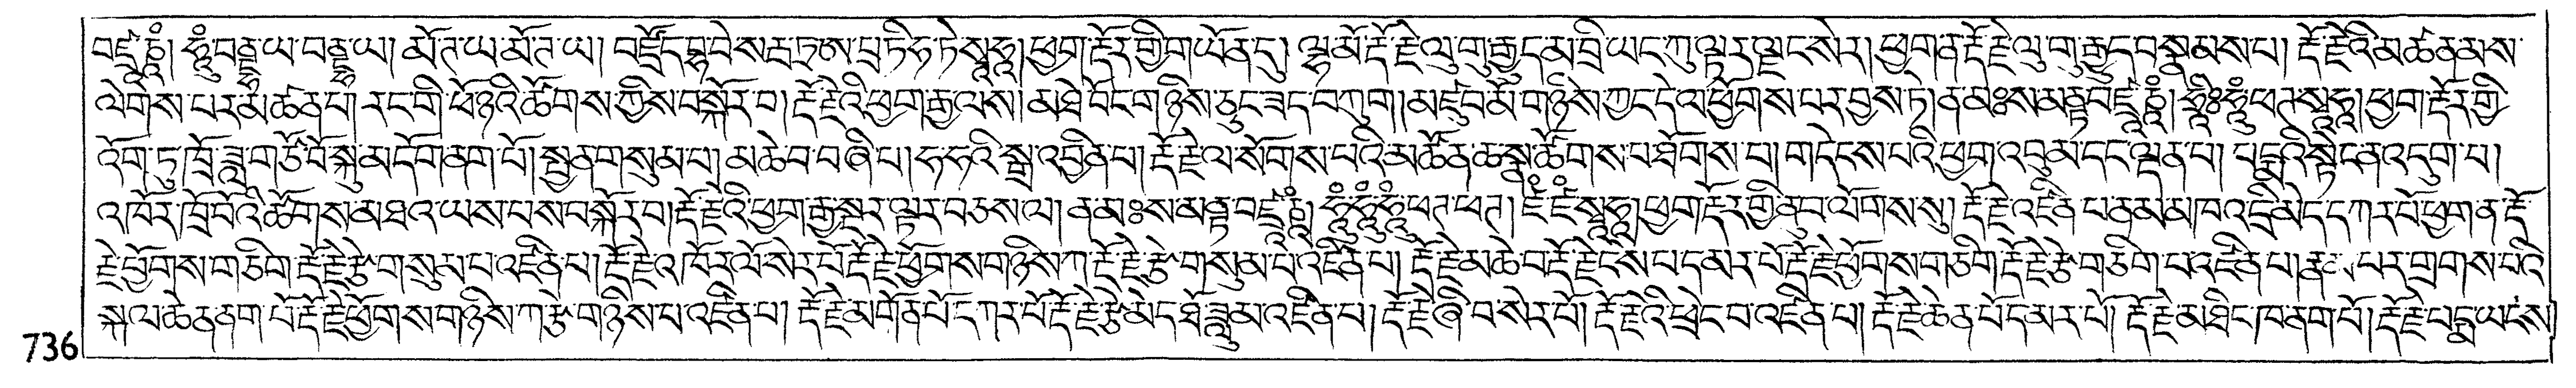བཛྲཱ་ཎཱཾ། ཧཱུཾ་བནྡྷ་ཡ་བནྡྷ་ཡ། མོ་ཊ་ཡ་མོ་ཊ་ཡ། བཛྲོད་བྷ་བེ་སརྦ་ཏྲ་ཨ་པྲ་ཏི་ཧ་ཏེ་སྭཱཧཱ། ཕྱག་རྡོར་གྱི་གཡོན་དུ། ལྷ་མོ་རྡོ་རྗེ་ལུ་གུ་རྒྱུད་མ་བྲི་ཡང་ཀུ་ལྟར་ལྗང་སེར། ཕྱག་ན་རྡོ་རྗེ་ལུ་གུ་རྒྱུད་བསྣམས་པ། རྡོ་རྗེའི་མཚན་མས་
ལེགས་པར་མཚན་པ། རང་གི་ཕོ་ཉའི་ཚོགས་ཀྱིས་བསྐོར་བ། རྡོ་རྗེའི་ཕྱག་རྒྱ་ལས། མཐེ་བོང་གཉིས་ཅུང་ཟད་བཀུག །མཛུབ་མོ་གཉིས་ཀྱང་དེ་ལ་ཕྱོགས་པར་བྱས་ཏེ། ན་མཿ ས་མནྟ་བཛྲཱ་ཎཱཾ། ཧྲཱིཿ ཧཱུཾ་ཕཊ་སྭཱཧཱ། ཕྱག་རྡོར་གྱི་
འོག་ཏུ་ཁྲོ་ཟླ་གཙོ་བོ་སྐུ་མདོག་ནག་པོ། སྤྱན་གསུམ་པ། མཆེ་བ་བཞི་པ། ཧ་ཧའི་སྒྲ་འབྱིན་པ། རྡོ་རྗེ་ལ་སོགས་པའི་མཚོན་ཆ་སྣ་ཚོགས་པ་ཐོགས་པ། གདེངས་པའི་ཕྱག་འབུམ་དང་ལྡན་པ། པདམའི་སྟེང་ན་འདུག་པ།
འཁོར་ཁྲོ་བོའི་ཚོགས་མཐའ་ཡས་པས་བསྐོར་བ། རྡོ་རྗེའི་ཕྱག་རྒྱ་སྔར་ལྟར་བཅས་ལ། ན་མཿ ས་མནྟ་བཛྲཱ་ཎཱཾ། ཧཱུཾ་ཧཱུཾ་ཧཱུཾ་ཕཊ་ཕཊ། ཛཾ་ཛཾ་སྭཱཧཱ། ཕྱག་རྡོར་གྱི་ནུབ་ལོགས་སུ། རྡོ་རྗེ་འཛིན་པ་ནམ་མཁའ་དྲི་མེད་དཀར་པོ་ཕྱག་ན་རྡོ་
རྗེ་ཕྱོགས་གཅིག་རྡོ་རྗེ་རྩེ་གསུམ་པ་འཛིན་པ། རྡོ་རྗེ་འཁོར་ལོ་སེར་པོ་རྡོ་རྗེ་ཕྱོགས་གཉིས་ཀ་རྡོ་རྗེ་རྩེ་གསུམ་པ་འཛིན་པ། རྡོ་རྗེ་མཆེ་བ་རྡོ་རྗེ་ངེས་པ་དམར་པོ་རྡོ་རྗེ་ཕྱོགས་གཅིག་རྡོ་རྗེ་རྩེ་གཅིག་པ་འཛིན་པ། རྣམ་པར་གྲགས་པའི་
སྐལ་ཆེན་ནག་པོ་རྡོ་རྗེ་ཕྱོགས་གཉིས་ཀ་རྩེ་གཉིས་པ་འཛིན་པ། རྡོ་རྗེ་མགོན་པོ་དཀར་པོ་རྡོ་རྗེ་རྩེ་མེད་ཐོ་ཟླུམ་འཛིན་པ། རྡོ་རྗེ་ཞི་བ་སེར་པོ། རྡོ་རྗེའི་ཕྲེང་བ་འཛིན་པ། རྡོ་རྗེ་ཆེན་པོ་དམར་པོ། རྡོ་རྗེ་མཐིང་ཁ་ནག་པོ། རྡོ་རྗེ་པདམ་ཡངས་